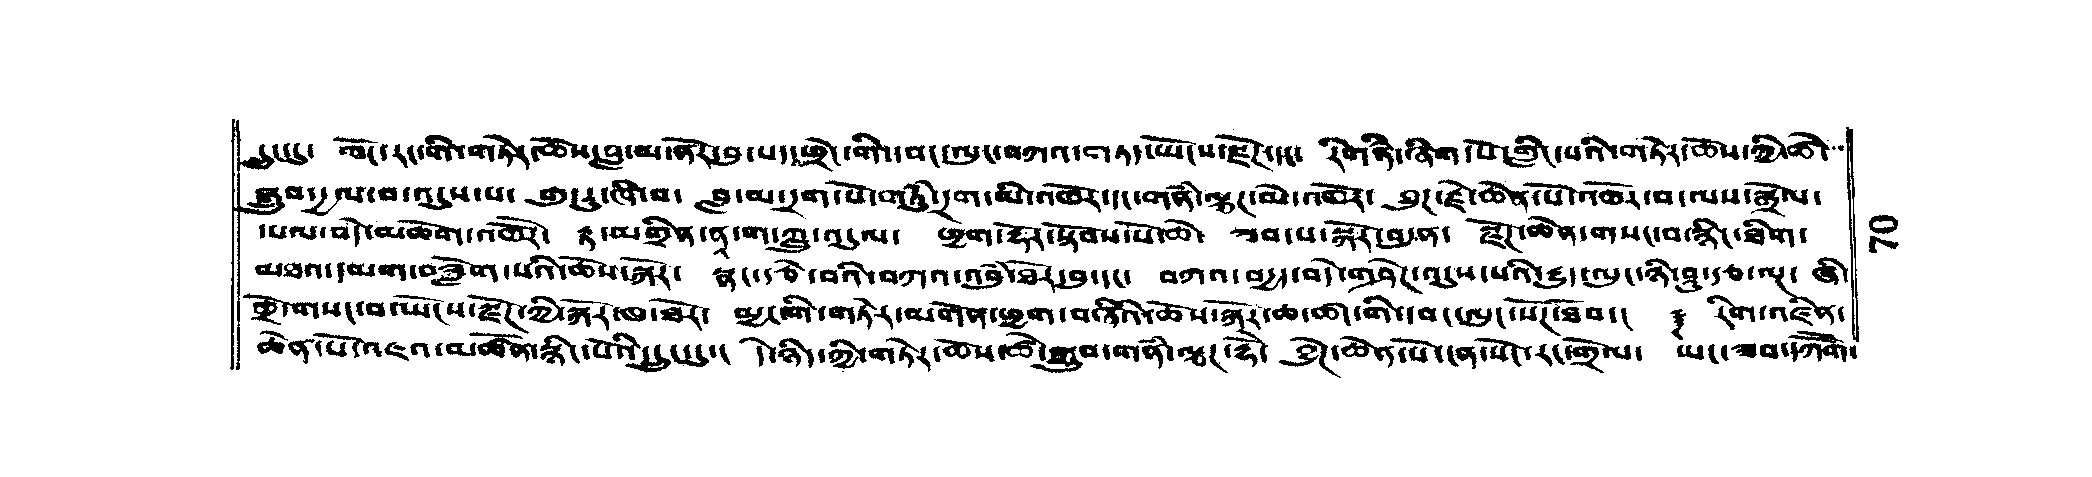དྲུང་དུ། ཁོང་རང་གི་གཏེར་ཆོས་བླ་མ་ནོར་བུ་པད་ཕྲེང་གི་དབང་ལུང་བཀའ་གཏད་ཡོངས་རྫོགས་དང་། རིག་འཛིན་ཞིག་པོ་གླིང་པའི་གཏེར་ཆོས་ཀྱི་ཚེ་
སྒྲུབ་རྒྱལ་བ་འདུས་པ། གུ་རུ་ཞི་བ། བླ་མ་དྲག་པོ་གཏུམ་དྲག་མེ་འཁོར་དང་གནམ་ལྕགས་མེ་འཁོར། ཐུགས་རྗེ་ཆེན་པོ་འཁོར་བ་ལས་སྒྲོལ། 
དཔལ་བདེ་མཆོག་འཁོར་ལོ། རྟ་མགྲིན་ནཱ་ག་ཀླུ་འདུལ། ཕྱག་རྡོར་སྟོབས་པོ་ཆེ། ཟབ་པ་སྐོར་བདུན། རྫོགས་ཆེན་གསང་བ་སྙིང་ཐིག 
མཐའ་དམག་བཟློག་པའི་ཆོས་སྐོར། སྣང་རྩེ་བའི་བཀའ་འབུམ་ཐོར་བུ་དང་། བཀའ་བརྒྱད་བདེ་གཤེགས་འདུས་པའི་རྒྱུད་ལུང་ཉི་ཤུ་རྩ་ལྔ། ཞི་
ཁྲོ་གསང་བ་ཡོངས་རྫོགས་ཀྱི་སྐོར་ཁ་ཐོར། མྱང་གི་གཏེར་མགོན་ཕྱག་བཞིའི་ཆོས་སྐོར་ཆ་ཚང་གི་དབང་ལུང་སོགས་ཐོབ། ༈ རིག་འཛིན་
ཆེན་པོ་འཇའ་མཚོན་སྙིང་པོའི་དྲུང་དུ། དེ་ཉིད་ཀྱི་གཏེར་ཆོས་ཚེ་སྒྲུབ་གནམ་ལྕགས་རྡོ་རྗེ། ཐུགས་རྗེ་ཆེན་པོ་ངན་སོང་རལ་གྲོལ། ཡང་ཟབ་དཀོན་མཆོག་